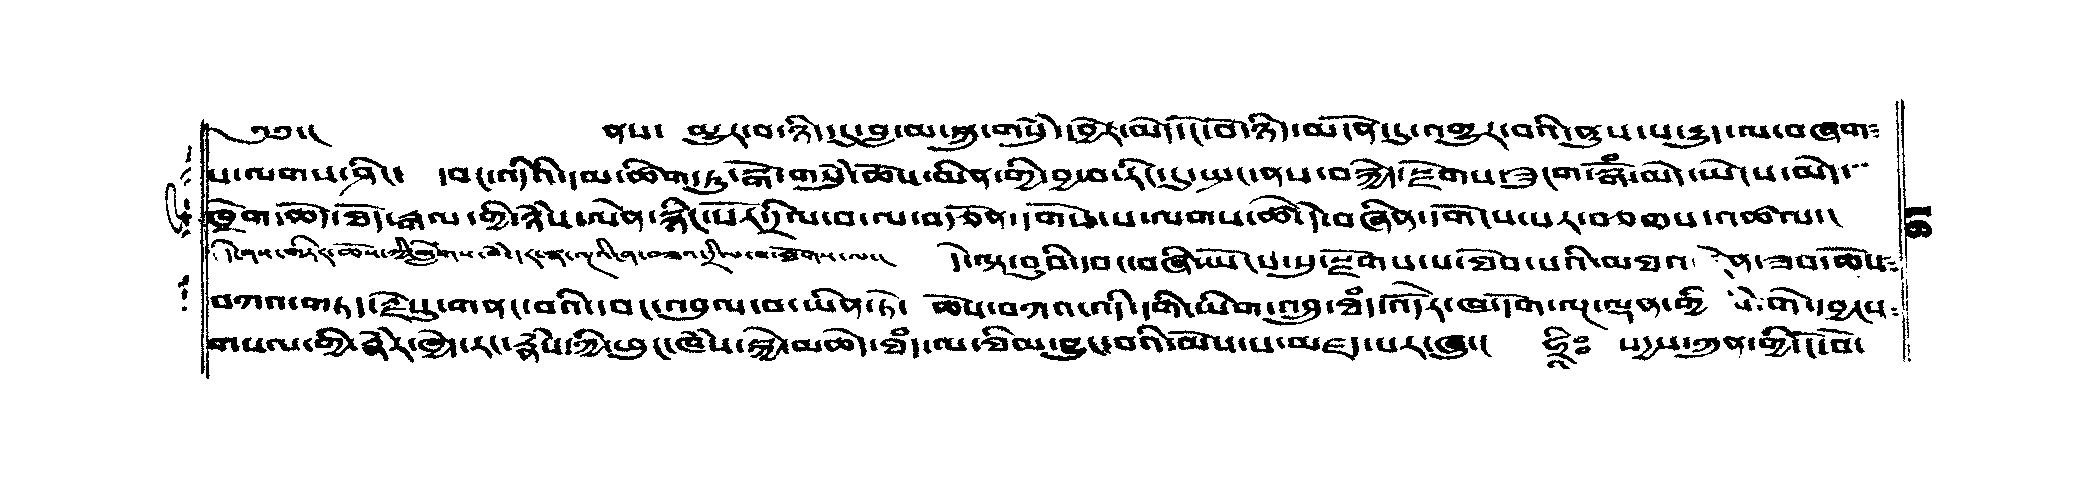ནས། མྱུར་བ་ཉིད་དུ་བླ་མ་སྐུ་གསུམ་དབྱེར་མེད་ངོ་བོ་ཉིད་མངོན་དུ་གྱུར་བའི་ནུས་པ་རྒྱུད་ལ་བཞག་
པ་ལགས་ཤིང་། དབང་འདིའི་དམ་ཚིག་ཏུ་སྒོ་གསུམ་ཆོས་མིན་གྱི་བྱ་བ་རིང་དུ་སྤང་ནས་བསྐྱེད་རྫོགས་ཟུང་འཇུག་སྒོམ་མེད་ཡེངས་མེད་
ཁྲེགས་ཆོད་ཐོད་རྒལ་གྱི་ཉམས་ལེན་སྙིང་པོར་དྲིལ་བ་ལ་བཙོན་དགོས་པ་ལགས་ཚེ་དེ་བཞིན་དགོངས་པར་བཅགས་འཚལ། 
དེ་ནས་གཏེར་ཆོས་ཀྱི་གླེགས་བམ་དར་སྣ་ལྔའི་ན་བཟའ་དྲིལ་བ་ཐོགས་ལ། དེ་ལྟ་བུའི་དབང་བཞི་ཡོངས་སུ་རྫོགས་ཐོབ་པའི་མཐའ་རྟེན་ཟབ་ཆོས་
བཀའ་གཏད་རྗེས་སུ་གནང་བའི་དབང་འབུལ་བ་ཡིན་ཏེ། ཆོས་བཀའ་འདི་དག་གི་ཡིག་འབྲུ་ཐམས་ཅད་འོད་ཟེར་ཁ་དོག་ལྔ་ལྡན་གྱི་སེང་གེ་དབྱངས་
གསལ་གྱི་རྣམ་པར་ཁྱེད་རང་རྣམས་ཀྱི་ཕུང་ཁམས་སྐྱེ་མཆེད་ཐམས་ཅད་ལ་ཐིམ་བྱུང་བའི་མོས་པ་མཛད་པར་ཞུ། ཧྲཱིཿ སངས་རྒྱས་ཀུན་ཀྱི་ངོ་བོ་